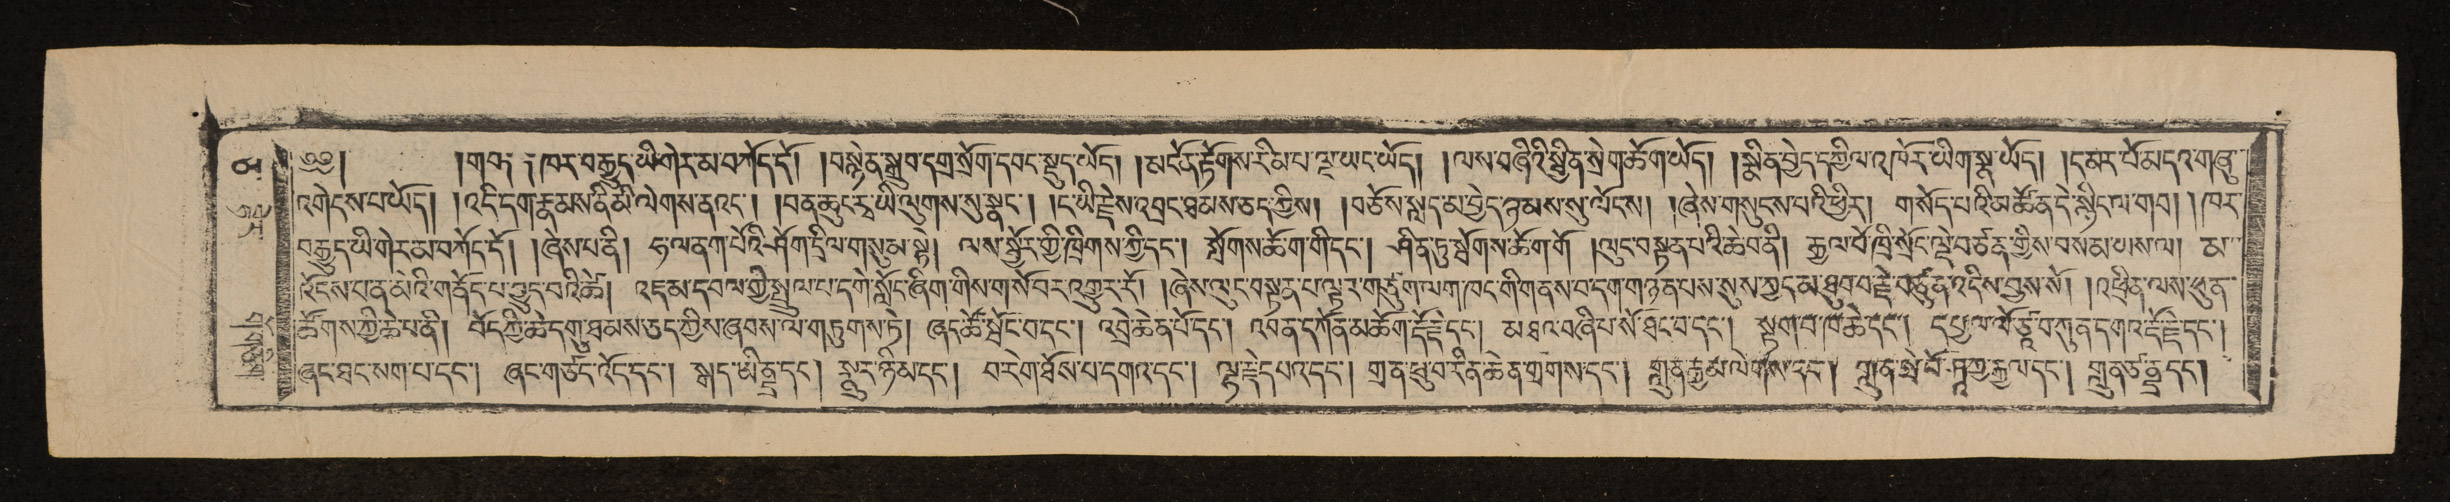༄༅། །གབ༑ ༑ཁར་བརྒྱུད་ཡི་གེར་མ་བཀོད་དོ། །བསྙེན་སྒྲུབ་དགྲ་སྲོག་དབང་སྡུད་ཡོད། །མངོན་རྟོགས་རིམ་པ་ལྔ་ཡང་ཡོད། །ལས་བཞིའི་སྦྱིན་སྲེག་ཆོག་ཡོད། །སྨིན་བྱེད་དཀྱིལ་འཁོར་ཡིག་སྣ་ཡོད། །དམར་པོ་མདའ་གཞུ་
འགེངས་པ་ཡོད། །འདི་དག་རྣམས་ནི་མི་ལེགས་ནའང་། །བན་ཆུང་རྭ་ཡི་ལུགས་སུ་སྣང་། །ང་ཡི་རྗེས་འབྲང་ཐམས་ཅད་ཀྱིས། །བཅོས་སླད་མ་བྱེད་ཉམས་སུ་ལོངས། །ཞེས་གསུངས་པའི་ཕྱིར། གསོད་པའི་མཚོན་དེ་སྙིང་ལ་གབ། །ཁར་
བརྒྱུད་ཡི་གེར་མ་བཀོད་དོ། །ཞེས་པ་ནི། ཧ་ལ་ནག་པོའི་ཤོག་དྲིལ་གསུམ་སྟེ། ལས་སྦྱོར་གྱི་ཁྲིགས་ཀྱི་དང་། སྤོགས་ཆོག་གི་དང་། ཤིན་ཏུ་སྤོགས་ཆོག་གོ །ལུང་བསྟན་པའི་ཆེ་བ་ནི། རྒྱལ་པོ་ཁྲི་སྲོང་ལྡེ་བཙན་གྱིས་བསམ་ཡས་ལ། མ་
འོངས་པན་མེའི་གནོད་པ་བྱུང་བའི་ཚེ། འཇམ་དཔལ་གྱི་སྤྲུལ་བ་དགེ་སློང་ཞིག་གིས་གསོ་བར་འགྱུར་རོ། །ཞེས་ལུང་བསྟན་པ་ལྟར་གཙུག་ལག་ཁང་གི་གནས་བདག་གཉན་པས་སུས་ཀྱང་མ་ཐུབ་པ་རྗེ་བཙུན་འདིས་བྱས་སོ། །འཕྲིན་ལས་ཕུན་
ཚོགས་ཀྱི་ཆེ་བ་ནི། བོད་ཀྱི་ཆེ་དགུ་ཐམས་ཅད་ཀྱིས་ཞབས་ལ་གཏུགས་ཏེ། ཞང་ཚེ་སྤོང་བ་དང་། འབྲེ་ཆེན་པོ་དང་། འབན་དཀོན་མཆོག་རྡོ་རྗེ་དང་། མཐའ་བཞི་པ་སོ་ཐང་བ་དང་། སྟག་པ་ཁ་ཆེ་དང་། དཔྱལ་ལོ་ཙཱ་བ་ཀུན་དགའ་རྡོ་རྗེ་དང་།
ཞང་ཐང་སག་པ་དང་། ཞང་གཙང་འོད་དང་། སྒང་ཨིནྡྲ་དང་། སྣུར་ཉི་མ་དང་། བ་རེག་ཐོས་པ་དགའ་དང་། ལྷ་རྗེ་དབའ་དང་། གྲན་ཕུ་བ་རིན་ཆེན་གྲགས་དང་། གླུན་རྒྱམ་ལེགས་དང་། གླུན་སྲེ་བོ་ཤཱཀྱ་རྒྱལ་དང་། གླུན་ཙནྡྲ་དང་།